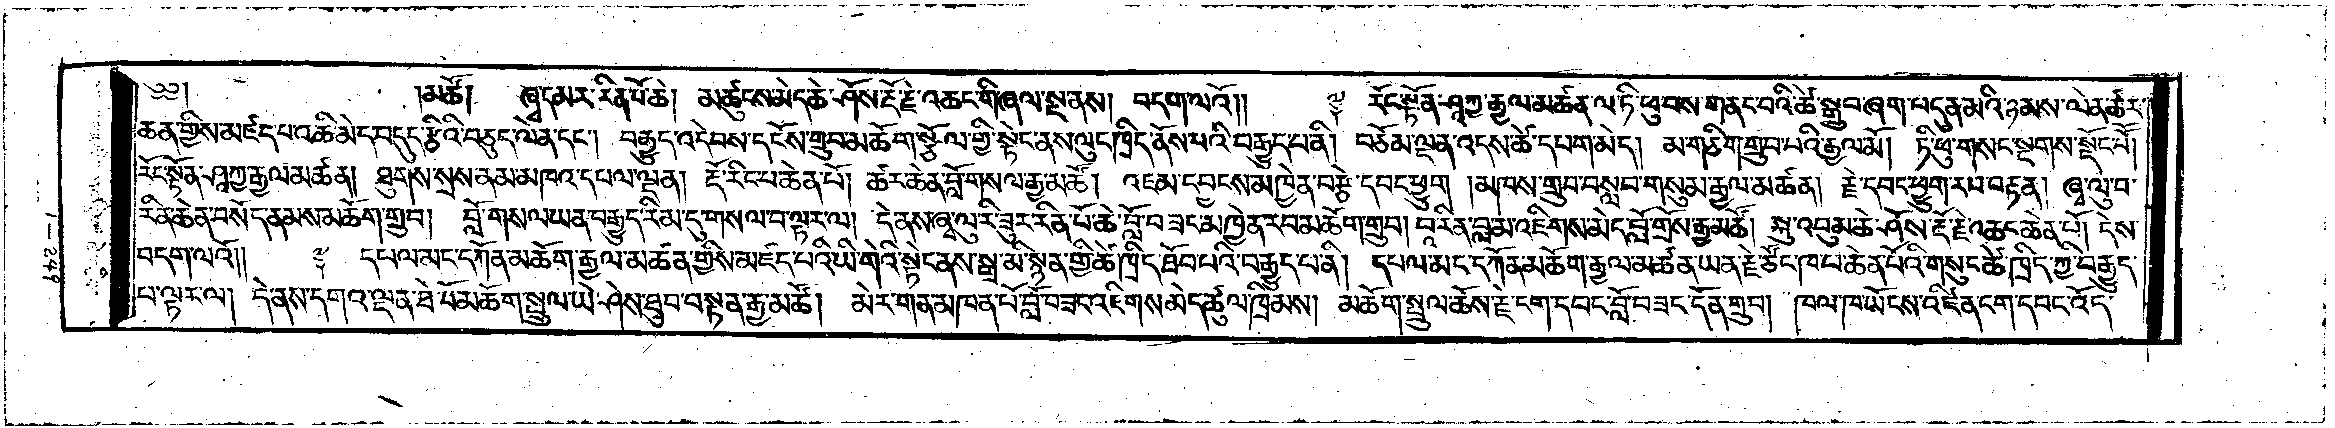༄༅། །མཚོ། ཞྭ་དམར་རིན་པོ་ཆེ། མཚུངས་མེད་ཆེ་ཤོས་རྡོ་རྗེ་འཆང་གི་ཞལ་སྔ་ནས། བདག་ལའོ།། འ་རོང་སྟོན་ཤཱཀྱ་རྒྱལ་མཚན་ལ་ཏི་ཕུབས་གནང་བའི་ཚེ་སྒྲུབ་ཞག་བདུན་མའི་ཉམས་ལེན་ཚར་
ཆན་གྱིས་མཛད་པ་འཆི་མེད་བདུད་རྩིའི་བཅུད་ལེན་དང་། བརྒྱད་འདེབས་དངོས་གྲུབ་མཆོག་སྩོལ་གྱི་སྟེང་ནས་ལུང་ཁྲིད་ནོས་པའི་བརྒྱུད་པ་ནི། བཅོམ་ལྡན་འདས་ཚེ་དཔག་མེད། མ་གཅིག་གྲུབ་པའི་རྒྱལ་མོ། ཏི་ཕུ་གསང་སྔགས་སྡོང་པཽ།
རོང་སྟོན་ཤཱཀྱ་རྒྱལ་མཚན། ཐུགས་སྲས་ནམ་མཁའ་དཔལ་ལྡན། རྡོ་རིང་པ་ཆེན་པོ། ཚར་ཆེན་བློ་གསལ་རྒྱ་མཚོ། འཇམ་དབྱངས་མཁྱེན་བརྩེ་དབང་ཕྱུག །མཁས་གྲུབ་བསླབ་གསུམ་རྒྱལ་མཚན། རྗེ་དབང་ཕྱུག་རབ་བརྟན། ཞྭ་ལུ་བ་
རིན་ཆེན་བསོད་ནམས་མཆོག་གྲུབ། བློ་གསལ་ཡན་བརྒྱུད་རིམ་དུ་གསལ་བ་ལྟར་ལ། དེ་ནས་ཞྭ་ལུ་རི་ཟུར་རིན་པོ་ཆེ་བློ་བཟང་མཁྱེན་རབ་མཆོག་གྲུབ། བཱ་རིན་བླ་མ་འཇིགས་མེད་བློ་གྲོས་རྒྱ་མཚོ། སྐུ་འབུམ་ཆེ་ཤོས་རྡོ་རྗེ་འཆང་ཆེན་པོ། དེས་
བདག་ལའོ།། འ་དཔལ་མང་དཀོན་མཆོག་རྒྱལ་མཚན་གྱིས་མཛད་པའི་ཡི་གེའི་སྟེང་ནས་སྒྲ་མི་སྙན་གྱི་ཚེ་ཁྲིད་ཐོབ་པའི་བརྒྱུད་པ་ནི། དཔལ་མང་དཀོན་མཆོག་རྒྱལ་མཚན་ཡན་རྗེ་ཙོང་ཁ་པ་ཆེན་པོའི་གསུང་ཚེ་ཁྲིད་ཀྱི་བརྒྱུད་
པ་ལྟར་ལ། དེ་ནས་དགའ་ལྡན་ཐེ་པོ་མཆོག་སྤྲུལ་ཡེ་ཤེས་ཐུབ་བསྟན་རྒྱ་མཚོ། མེར་གན་མཁན་པོ་བློ་བཟང་འཇིགས་མེད་ཚུལ་ཁྲིམས། མཆོག་སྤྲུལ་ཆོས་རྗེ་ངག་དབང་བློ་བཟང་དོན་གྲུབ། ཁལ་ཁ་ཡོངས་འཛིན་ངག་དབང་འོད་